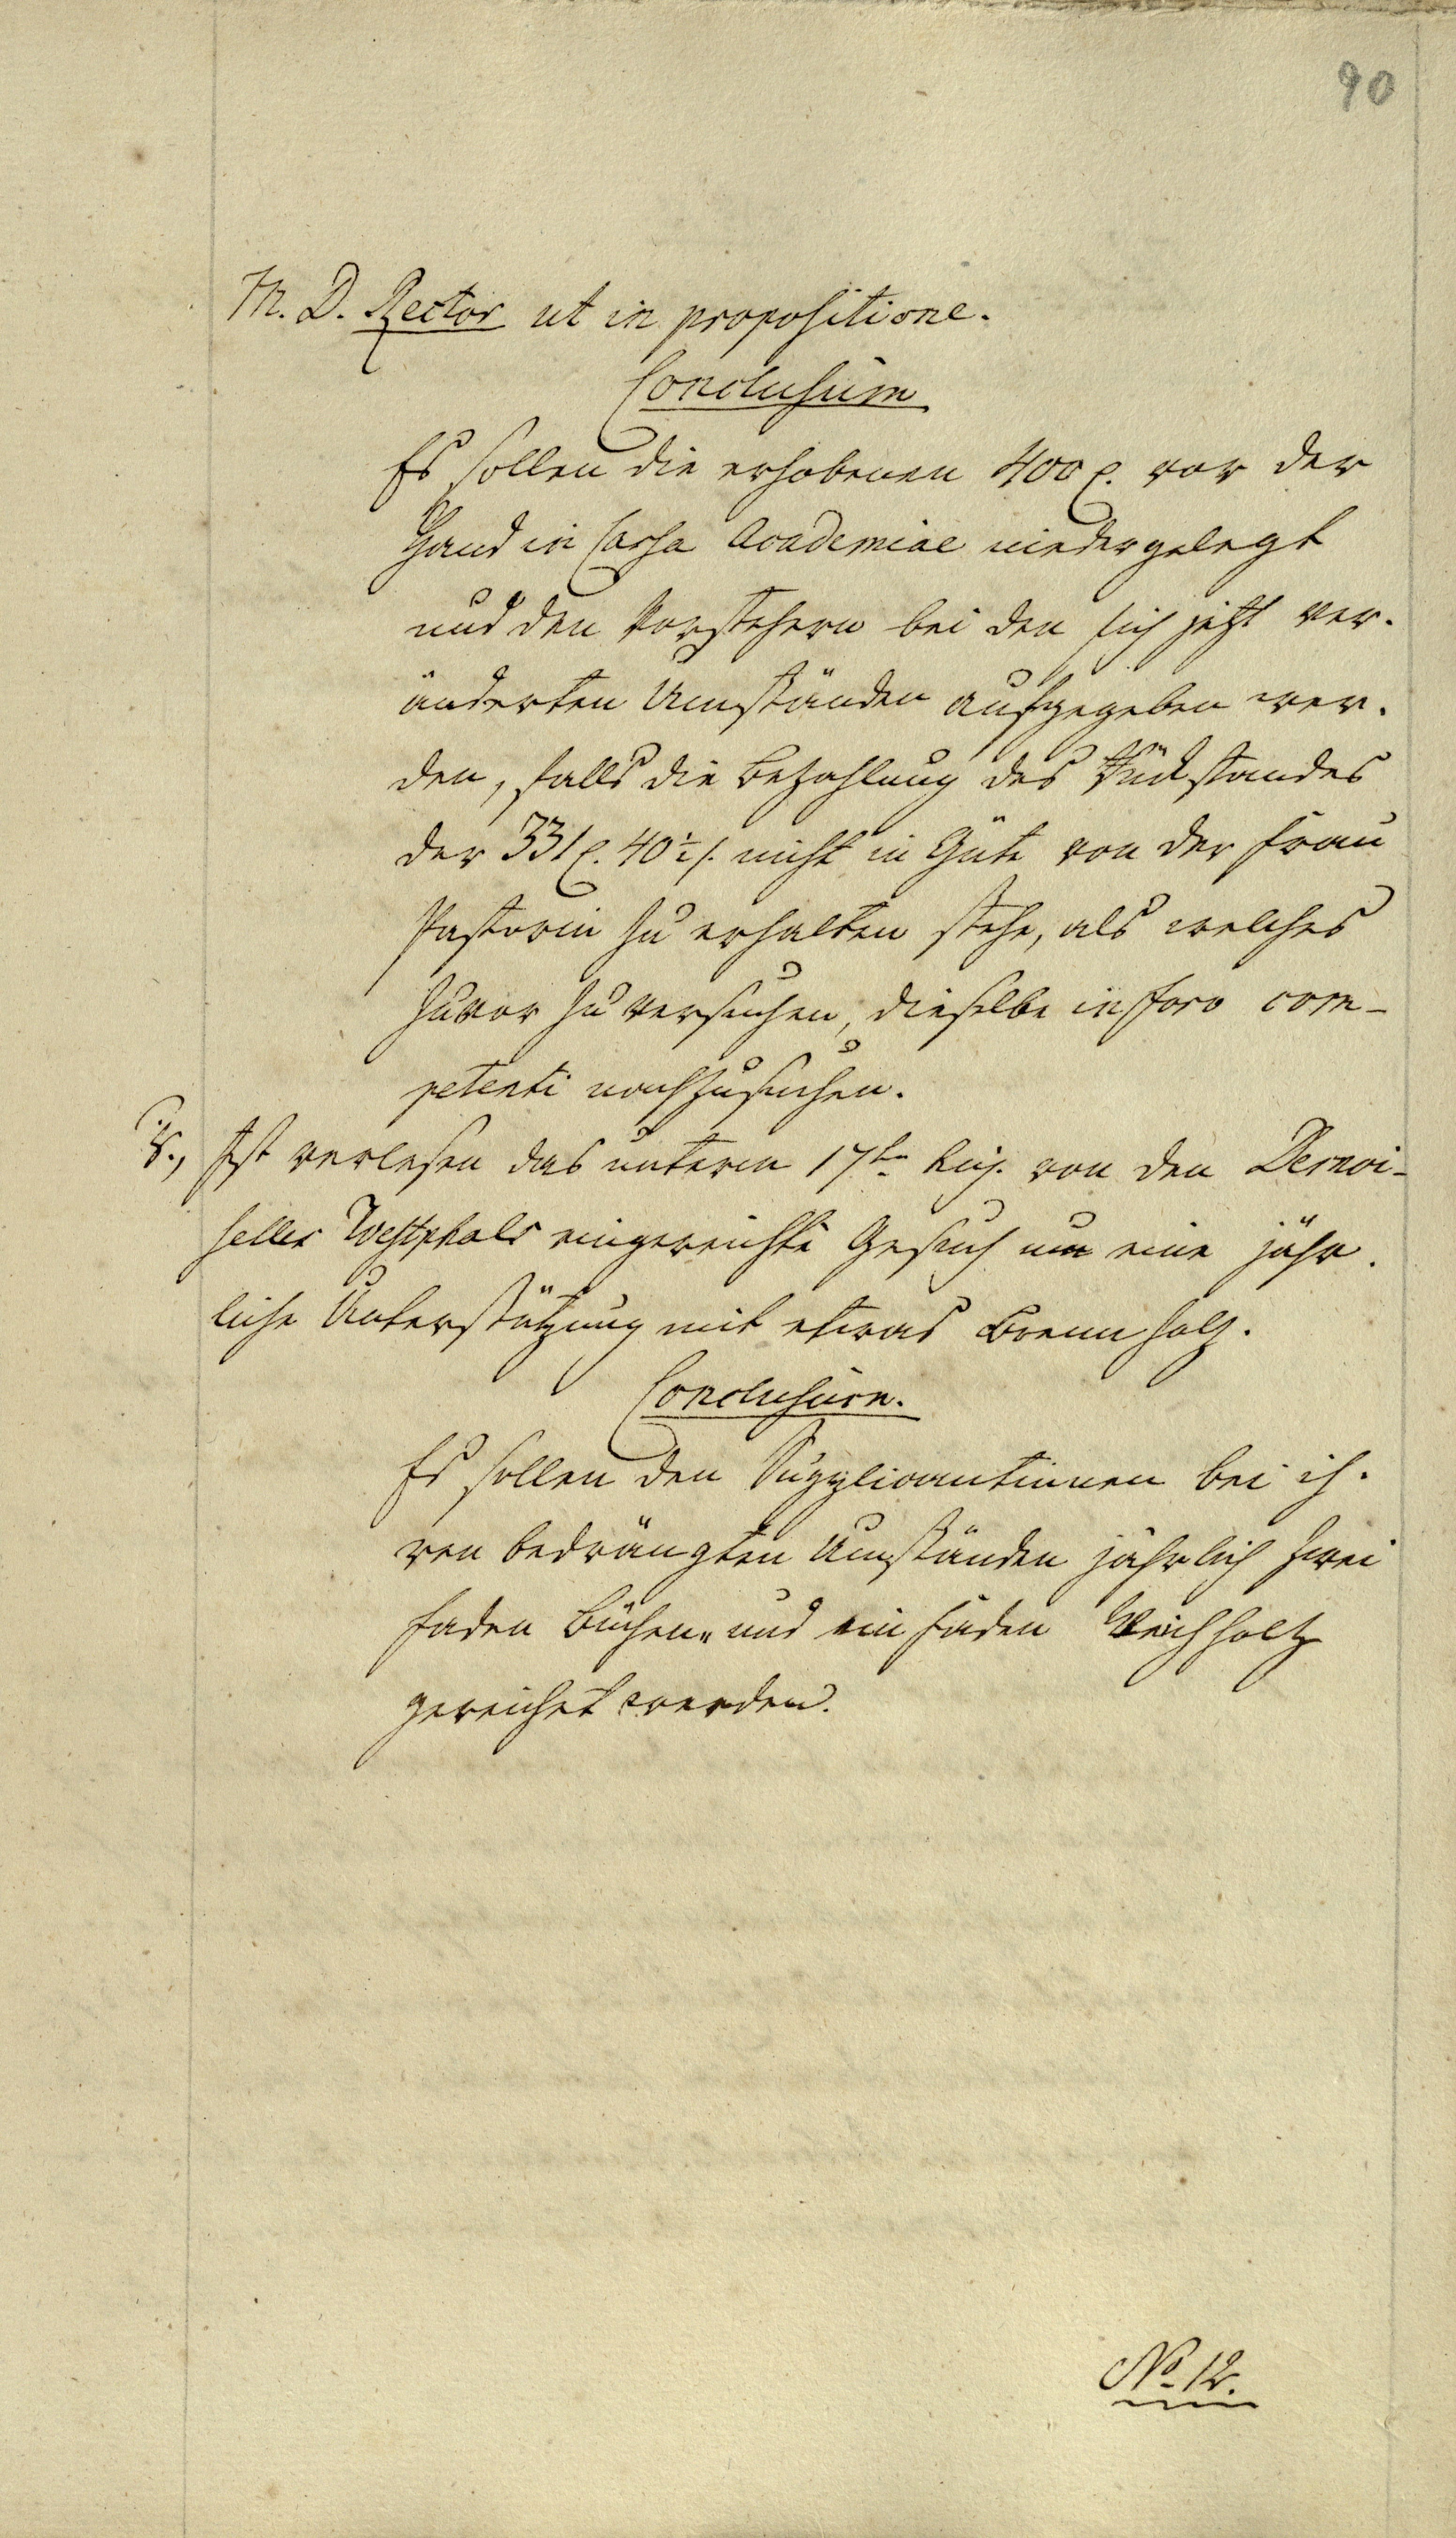M. D. Rector ut in propositione.
Conclusum
Es sollen die erhobenen 400 l. vor der
Hand in Cassa Academiae niedergelegt
und den Vorstehern bei den sich jetzt ver¬
änderten Umständen aufgegeben wer¬
den, falls die Bezahlung des Rückstandes
der 331 l. 40 ½ s. nicht in Güte von der Frau
Pastor zu erhalten stehe, als welches
zuvor zu versuchen, dieselbe inforo com¬
petenti nachzusuchen.
8., Ist verlesen das unterm 17 ten huj. von den Demoi¬
selles Westphals eingereichte Gesuch um eine jähr¬
liche Unterstützung mit etwas Brennholz.
Conclusum
Es sollen den Supplicantinnen bei ih¬
ren bedrängten Umständen jährlich zwei
Faden Buchen- und ein Faden Weichholz
gereichet werden.
No 12.